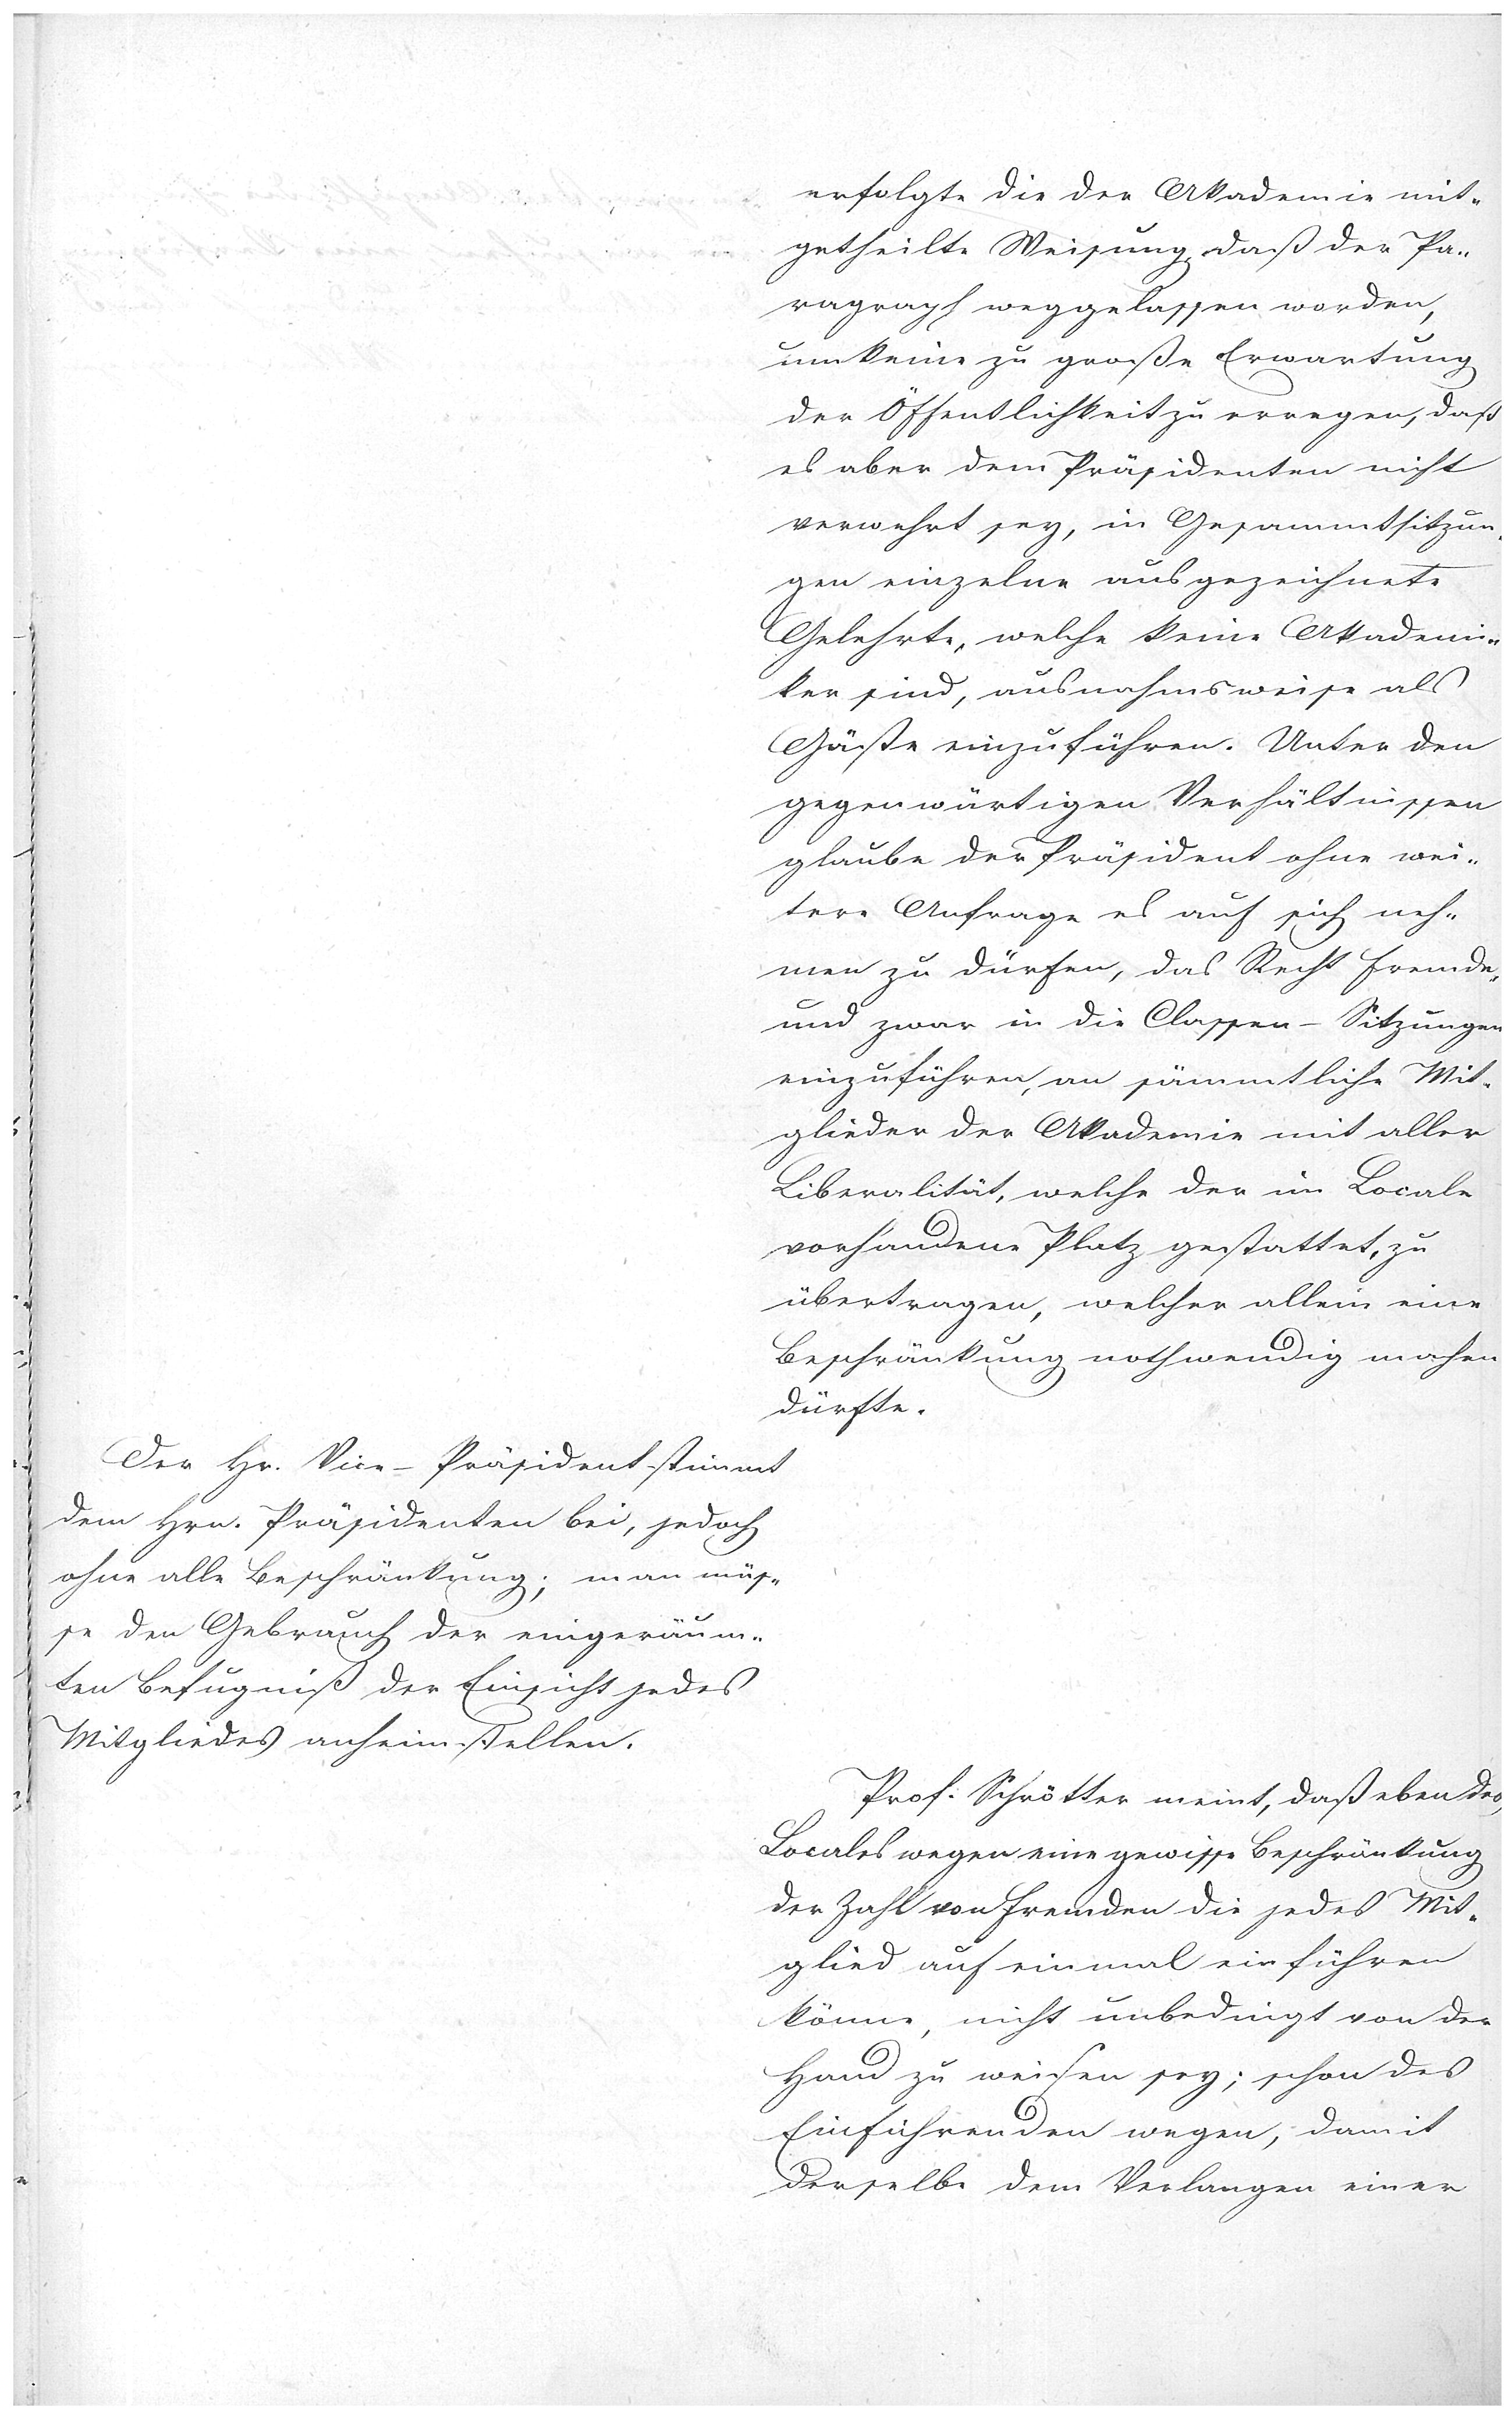erfolgte die der Akademie mit-
getheilte Weisung, daß der Pa-
ragraph weggelassen worden,
um keine zu große Erwartung
der Öffentlichkeit zu erregen, daß
es aber dem Präsidenten nicht
verwehrt sey, in Gesammtsitzun-
gen einzelne ausgezeichnete
Gelehrte, welche keine Akademi-
ker sind, ausnahmsweise als
Gäste einzuführen. Unter den
gegenwärtigen Verhältnissen
glaube der Präsident ohne wei-
tere Anfrage es auf sich neh-
men zu dürfen, das Recht Fremde,
und zwar in die Classen-Sitzungen
einzuführen, an sämmtliche Mit-
glieder der Akademie mit aller
Liberalität, welche der im Locale
vorhandene Platz gestattet, zu
übertragen, welcher allein eine
Beschränkung nothwendig machen
dürfte.
Der Hr. Vice-Präsident stimmt
dem Hrn. Präsidenten bei, jedoch
ohne alle Beschränkung; man müs-
se den Gebrauch der eingeräum-
ten Befugniß der Einsicht jedes
Mitgliedes anheimstellen.
Prof. Schrötter meint, daß eben des
Locales wegen eine gewisse Beschränkung
der Zahl von Fremden die jedes Mit-
glied auf einmal einführen
könne, nicht unbedingt von der
Hand zu weisen sey; schon des
Einführenden wegen, damit
derselbe dem Verlangen einer